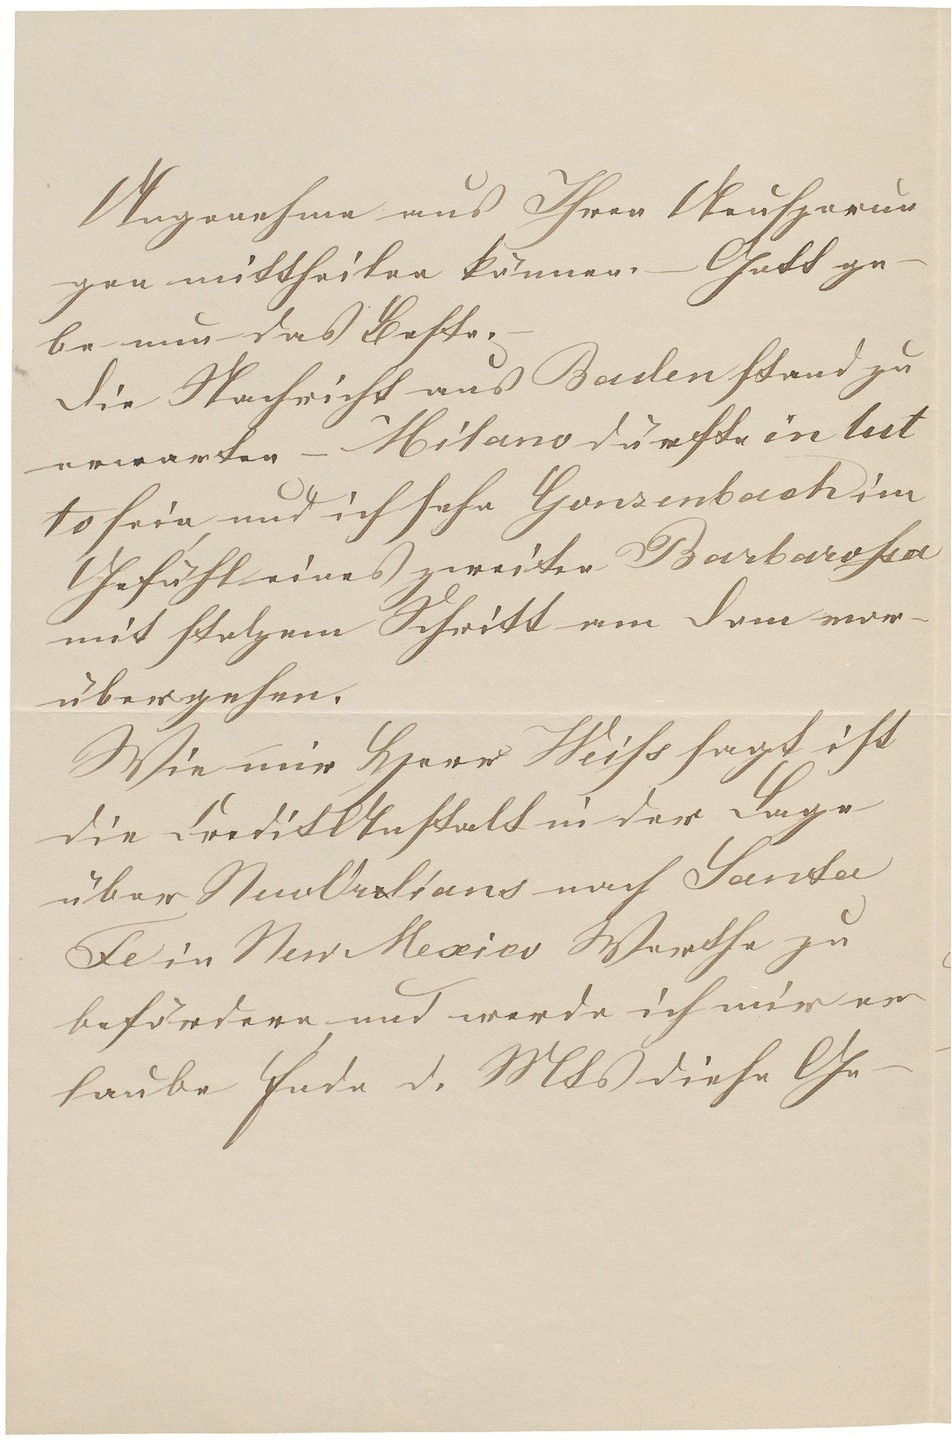Angenehme und Ihren Aeuszerun-
gen mittheilen können. – Gott ge-
be nun das Beste.
Die Nachricht aus Baden stand zu
erwarten – Milano durfte in tut-
to sein, und ich sehe Gonzenbach im
Gefühl eines zweiten Barbarossa
mit stolzem Schritt am dem vor-
übergehen.
Wie mir Herr Weiss sagt ist
die CreditAnstalt in der Lage
über NewOrrléans nach Santa
Fe in New Mexico Werthe zu
befördern und werde ich mir er-
laube Ende d. Mts diese Ge-